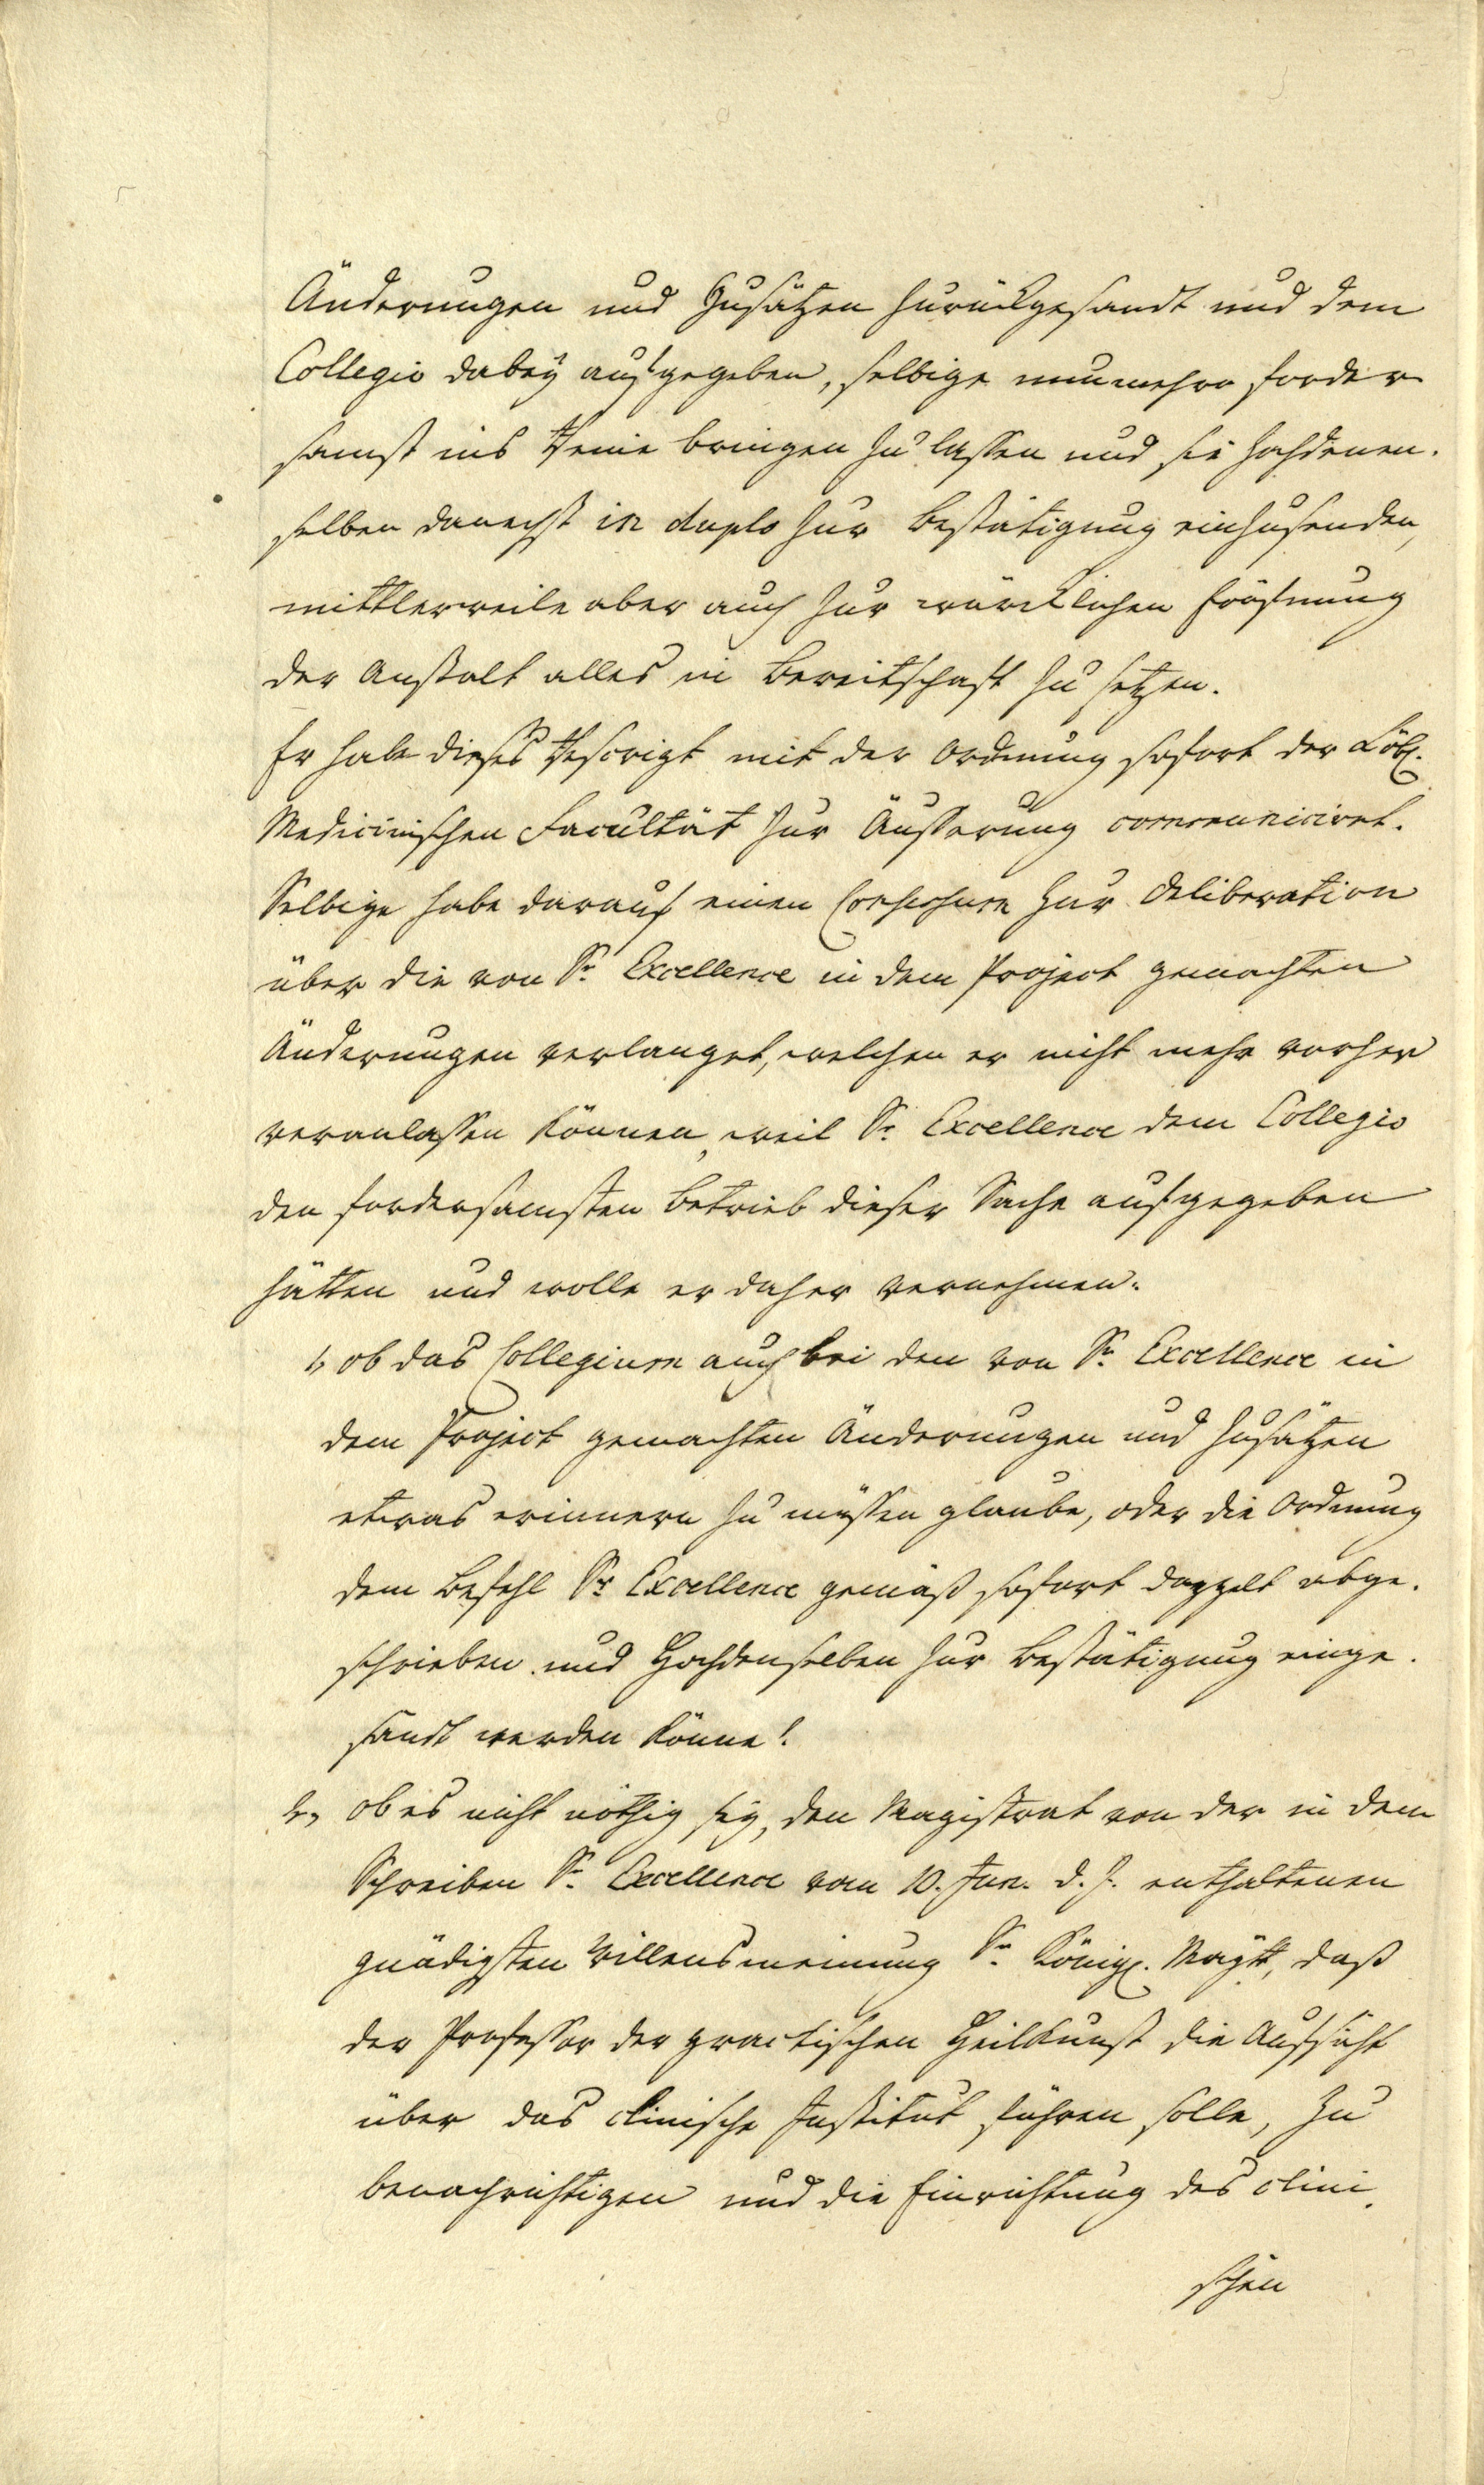Änderungen und Zusätzen zurückgesandt und dem
Collegio dabeÿ aufgegeben, selbige nunmehro forder¬
samst ins Reine bringen zu lassen und sie hochdenen¬
selben danechst in duplo zur Bestätigung einzusenden,
mittlerweile aber auch zur würcklichen Eröfnung
der Anstalt alles in Bereitschaft zu setzen.
Er habe dieses Rescript mit der Ordnung sofort der Löbl.
Medicinischen Facultät zur Äusserung communiciret.
Selbige habe darauf einen Consessum zur Deliberation
über die von Sr. Excellence in dem Project gemachten
Änderungen verlanget, welchen er nicht mehr vorher
veranlassen können, weil Sr. Excellence dem Collegio
den fordersamsten Betrieb dieser Sache aufgegeben
hätten und wolle er daher vernehmen:
1, ob das Collegium auch bei den von Sr. Excellence in
dem Project gemachten Änderungen und Zusätzen
etwas erinnern zu müssen glaube, oder die Ordnung
dem Befehl Sr. Excellence gemäß sofort doppelt abge¬
schrieben und Hochdenselben zur Bestätigung einge¬
sandt werden könne?
2, ob es nicht nöthig seÿ, den Magistrat von der in dem
Schreiben Sr. Excellence vom 10. Jun. d. J. enthaltenen
gnädigsten Willensmeinung Sr. Königl. Maÿtt. daß
der Professor der practischen Heilkunst, die Aufsicht
über das clinische Institut führen solle, zu
benachrichtigen und die Einrichtung des clini¬
schen